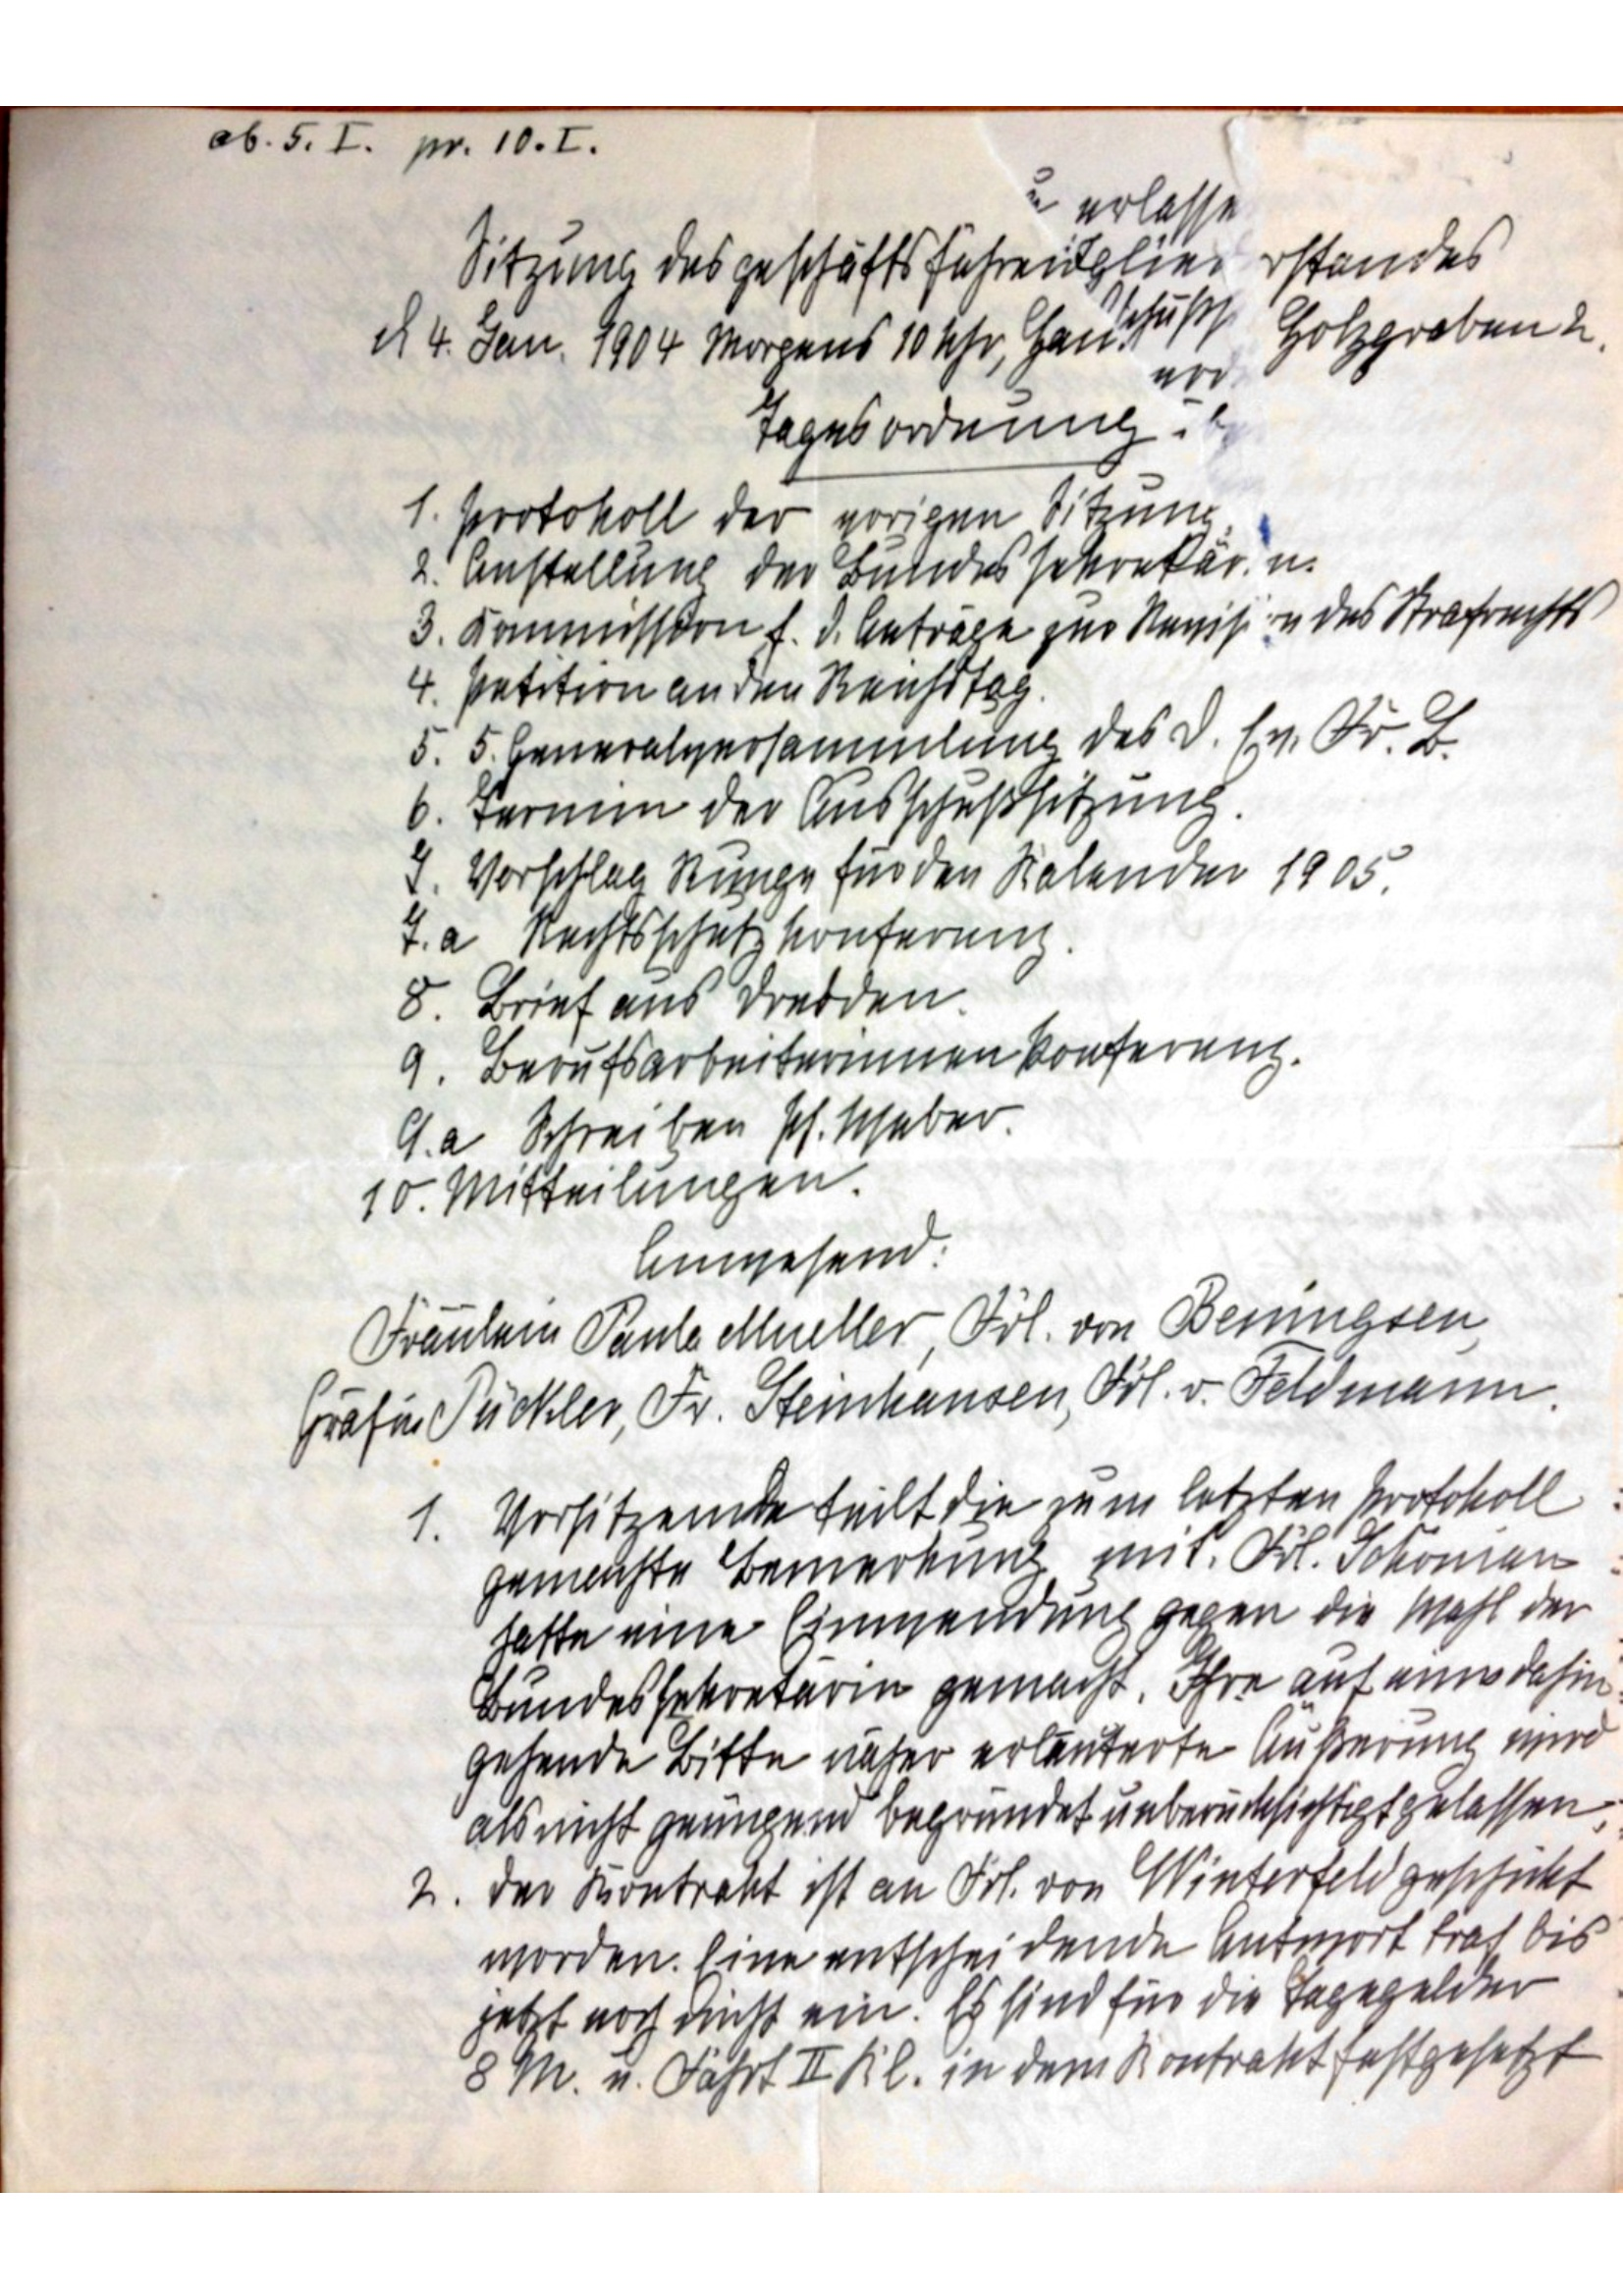ab 5. I. pr. 10. I.
rstandes
Sitzung des geschäftsführen
Holzgraben 2
4. Jan. 1904 Morgens 10 Uhr
Tagesordnung
1. Protokoll der vorigen Sitzung
2. Anstellung der Bundessekretärn
3. Kommision f. d. Anträge zur Revisn des Strafrechts
4. Petition and den Reichstag
5. 5. Generalversammlung des D. Ev. Fr. B.
6. Termin der Ausschußsitzung
7. Vorschlag Runge für den Kalender 1905
7a. Rechtschutzkonferenz
8. Brief aus Dresden
9. Berusarbeiterinnenkonferenz
9a. Schreiben Pf. Weber
10. Mitteilungen
Anwesend
Fräulein Paula Mueller, Frl. von Beningten,
Gräfing Pückler, Fr. Steinhausen, Frl. v. Feldmann.
Vorsitzende teilt die zum letzten Protokoll
1.
gemachten Bemerkung mit Frl. Schönian.
hatte eine Einwendung gegn die Wahl der
Bundessekretärin gemacht. Ihre auf ein dahin
gehende Bitte näher erläuterte Äußerung wird
als nicht genügend begründet unberücksichtigt gelassen.
Der Kontrakt ist an Frl von Winterfekd geschickt
2
worden. Eine enstsprechende Antwrot traf bis
jetzt noch nicht ein. Es sind für die Tagesgebühr
8 M. u. Fahrt II. Kl. in dem Kontrakt festgesetzt.